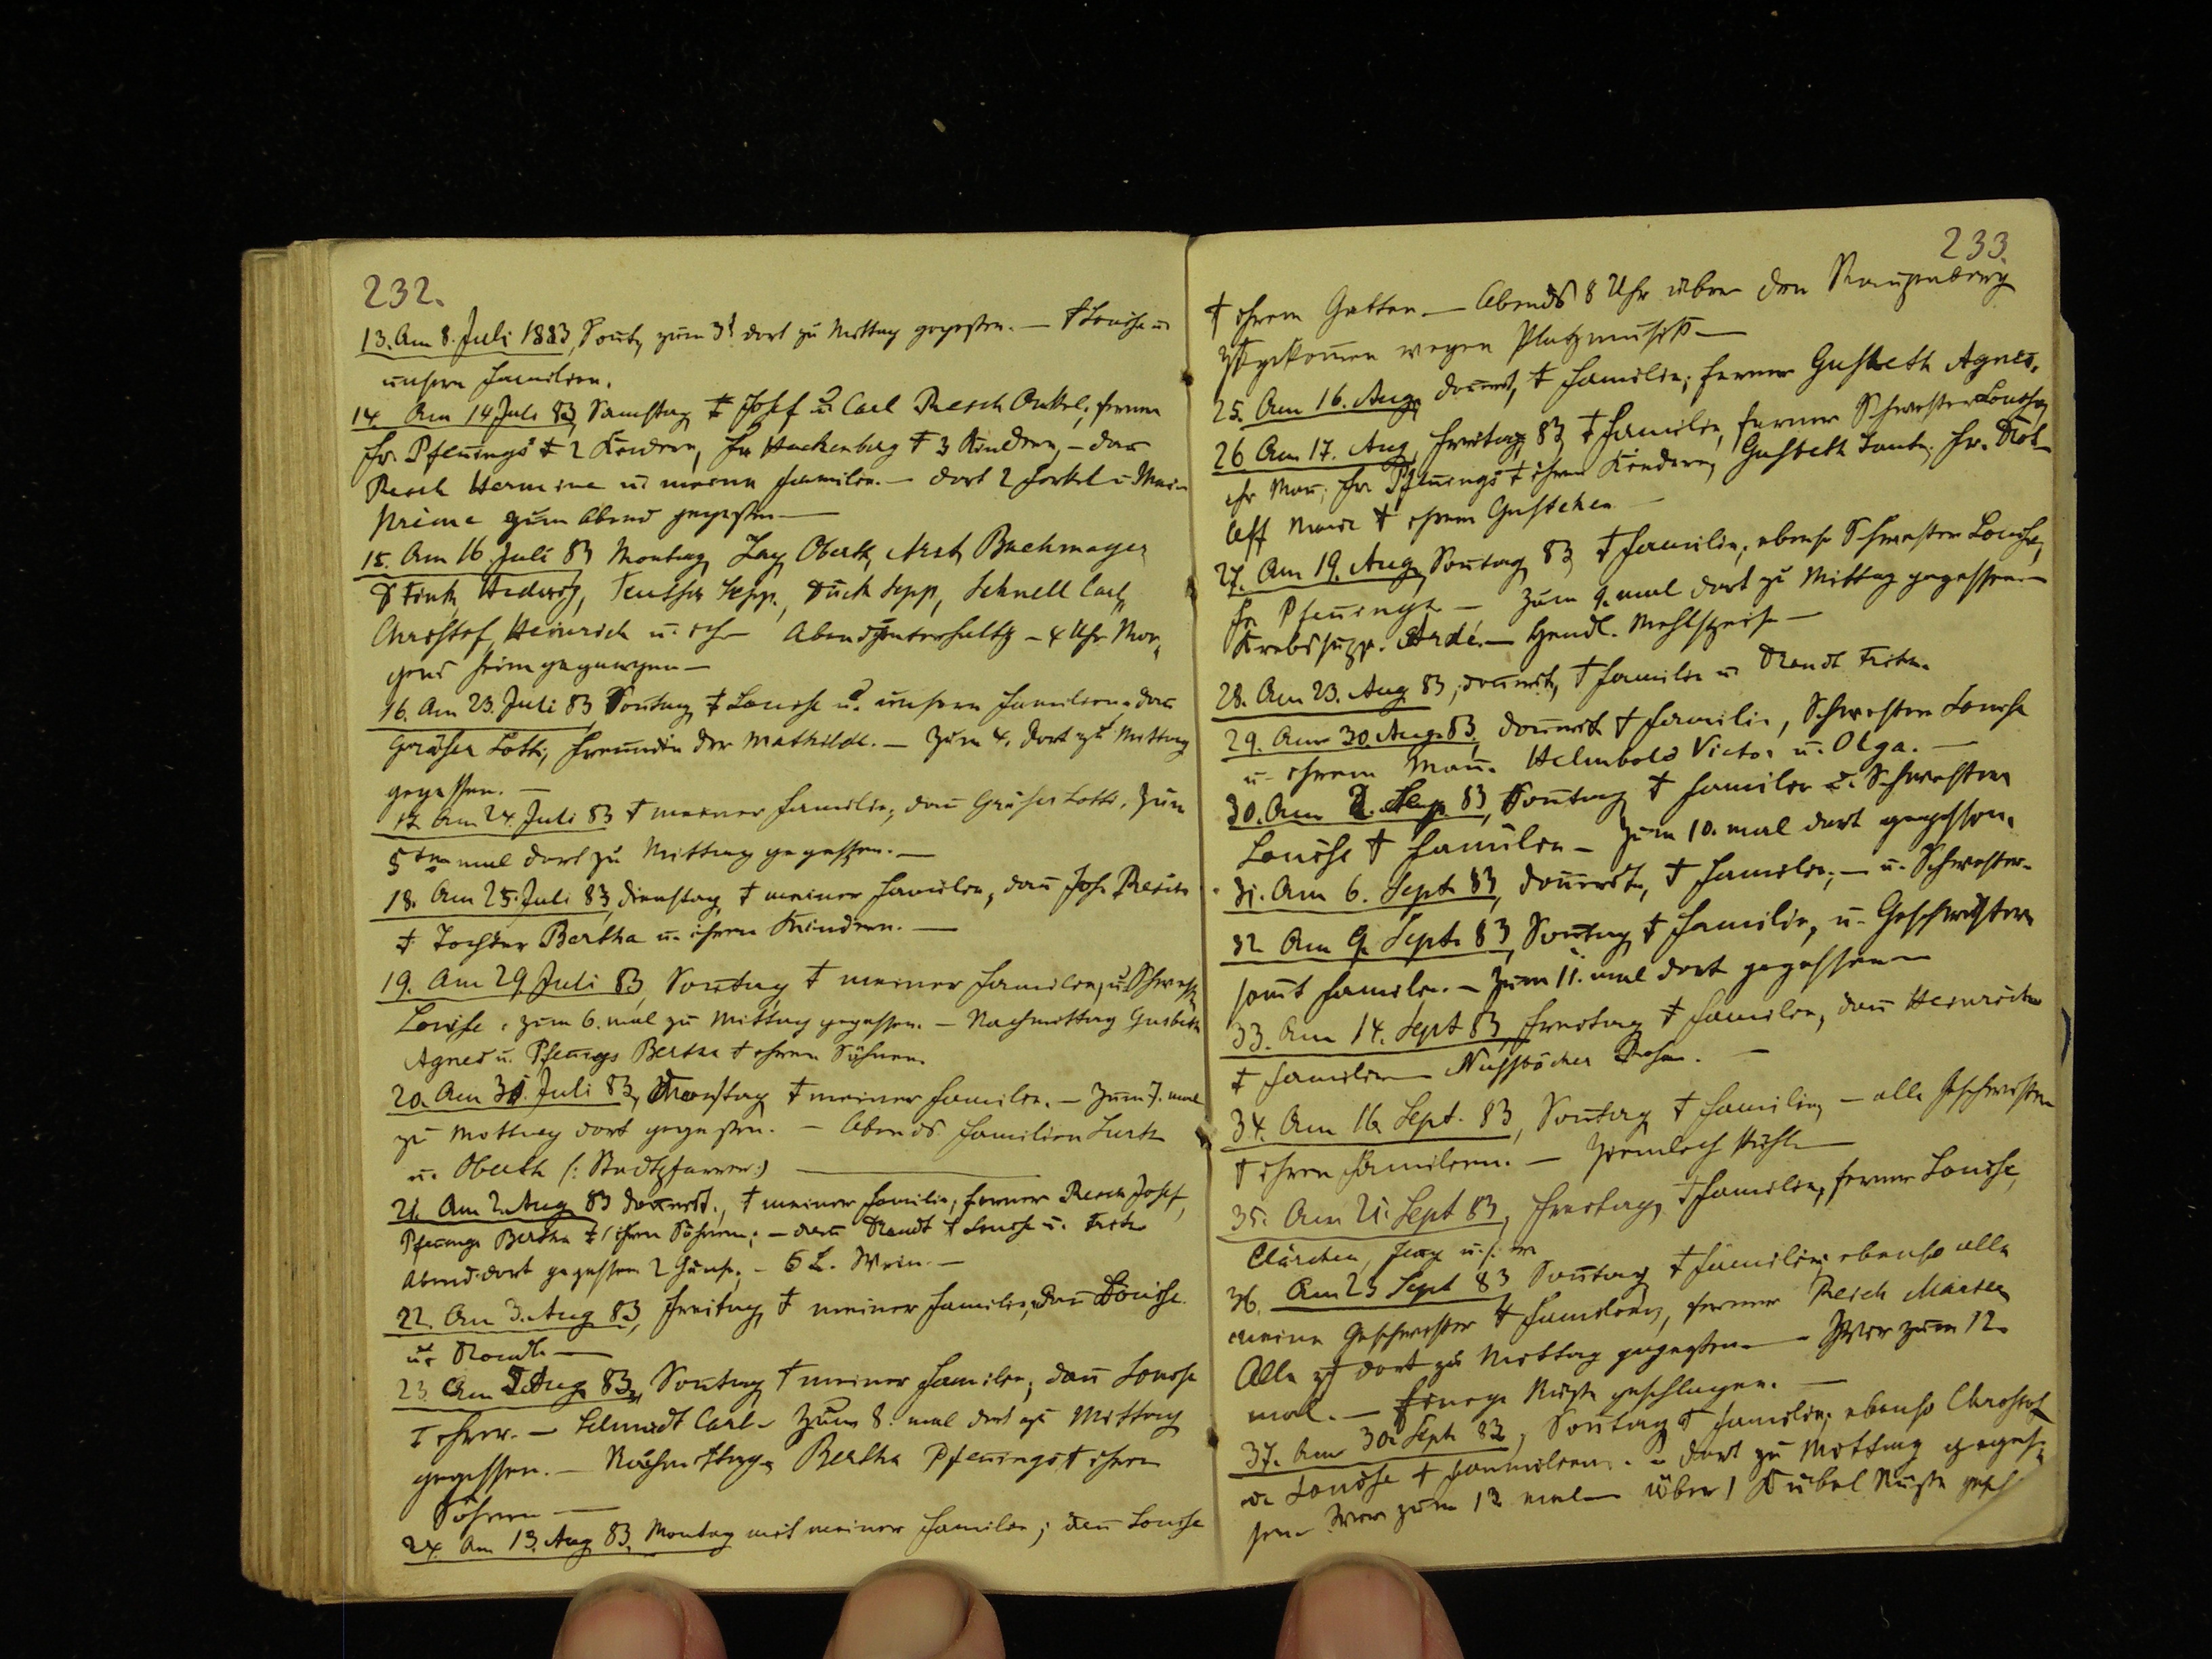232
13) Am 8. Juli 1883, Sonntag, zum 3-ten mal dort Mittag gegeßen.- Mit Louise und
unseren Familien.
14) Am 14. Juli 83, Sonntag. Mit Josef und Carl Resch Onkel; ferner
Frau Pfenniges mit 2 Kindern, Fr. Hackerberg mit 3 Kindern,-- Dann
Resch Hermine und unsere Familien.- dort 2 Ferkel und Mai¬
kreme zum Abend gegeßen.—
15) Am 16. Juli 83, Montag, Lay Oberth, Aret Brehmages,
Dr. Fink Hedwig, Teutsch Sepp, Dück Sepp, Schnell Carl,
Christof, Heinrich und ich. Abendunterhaltung- 4 Uhr mor¬
gens heimgegangen.—
16) Am 23. Juli 83 Sonntag. Mit Louise und unseren Familien Dann
Gräser Lotti, Freundin der Mathilde.- Zum 4. dort zu Mittag
gegeßen.-
17) Am 24. Juli 83. Mit meiner Familie, dann Gräser Lotti, zum
5.ten mal dort zu Mittag gegeßen.
18) Am 25. Juli 83, Dienstag mit meiner Familie ; dann Josef Resch-
mit Tochter Bertha und ihren Kindern.—
19) Am 29. Juli 83, Sonntag ,mit meiner Familie und Schwester
Louise, zum 6. mal zu Mittag gegeßen.- Nachmittag Gusbeth
Agnes und Pfenniges Bertha mit ihren Söhnen.
20) Am 31.Juli 83, Samstag mit meiner Familie. - zum 7.mal
zu Mittag dort gegeßen.- Abends Familien Lurtz
und Oberth (: Stadtpfarrer :) ---
21) Am 2. Aug. 83, Donnerstag, mit meiner Familie; ferner Resch Josef,
Pfenniges Bertha mit ihren Söhnen;- dann Draudt mit Louise und Fritz
Abend dort gegessen 2 Gänge: -- 6 L. Wein.—
22) Am 3. Aug. 83, Freitag, mit meiner Familie dann Louise
und Draudt.—
23) Am 5. Aug. 83 Sonntag mit meiner Familie, dann Louise
mit Ihrer.- Schmidt Carl. Zum 8. mal dort zu Mittag
gegessen.—Nachmittags Bertha Pfenniges mit
Ihren Söhnen.—
24) Am 15. Aug. 83. Montag mit meiner Familie, dann Louise
233
Mit ihrem Gatten—Abends 8 Uhr über den Raupenberg
zurückgekommen wegen Platzmusik.-
25) Am 16. Aug. 83 . Donnerstag Mit Familie; ferner Gusbeth Agnes.
26) Am 17. Aug. 83. Freitag. Mit Familie , ferner Schwester Louise,
Fr. Pfenniges mit ihren Kindern, Gusbeth ?Lante. Fr. Drotl-
eff ?Manz mit ihrem Gustchen.—
27) Am 19. Aug. 83. Sonntag, mit Familie, ebenso Schwester Louise,
Fr. Pfenniges.—Zum 9. mal dort zu Mittag gegessen.
Krebssupe . Arde.- Hendl. Mehlspeise.—
28) Am 23 Aug. 83. Donnerstag, mit Familie und Draudt Fritz.-
29) Am 30. Aug. 83, Donnerstag mit Familie , Schwester Louise
und Ihr mann. Helmbold Victor und Olga.
30) Am 3. Sept. 83, Sonntag, mit Familie und Schwester
Louise mit Familie.- Zum 10. Mal dort gegessen .Zum 10. mal dort gegessen.
31) Am 6. Sept. 83, Donnerstag, mit Familie,-- und Schwester.
32) Am 9. Sept. 83 , Sonntag, mit Familie, und Geschwister
samt Familien.-Zum 11. Mal dort gegessen.
33) Am14. Sept. 83, Freitag, mit Familie, dann Heinrich
mit Familie- Nussbächer Johan.
34) Am 16, Sept. 83, Sonntag, mit Familie- alle Geschwister
mit ihren Familien. Ziemlich kühl.
35) Am 21. Sept. 83, Freitag, Mit Familie ferner Louise,
Clärchen, Jörg u.s.w.
36) Am 23. Sept, 83. Sonntag, mit Familie ebenso alle
meine Geschwister mit Familie ferner Reich Martha.-
Alle zusammen dort zu Mittag gegeßen.- War zum 12.
Mal.- Einige Nüße geschlagen.—
37) Am30. Sept 83, Sonntag, mit Familie; ebenso Christof
und Louise mit Familien Und dort zu Mittag gege¬
ßen. War zum 13. Mal.- über 1 Kübel Nüße geschlagen